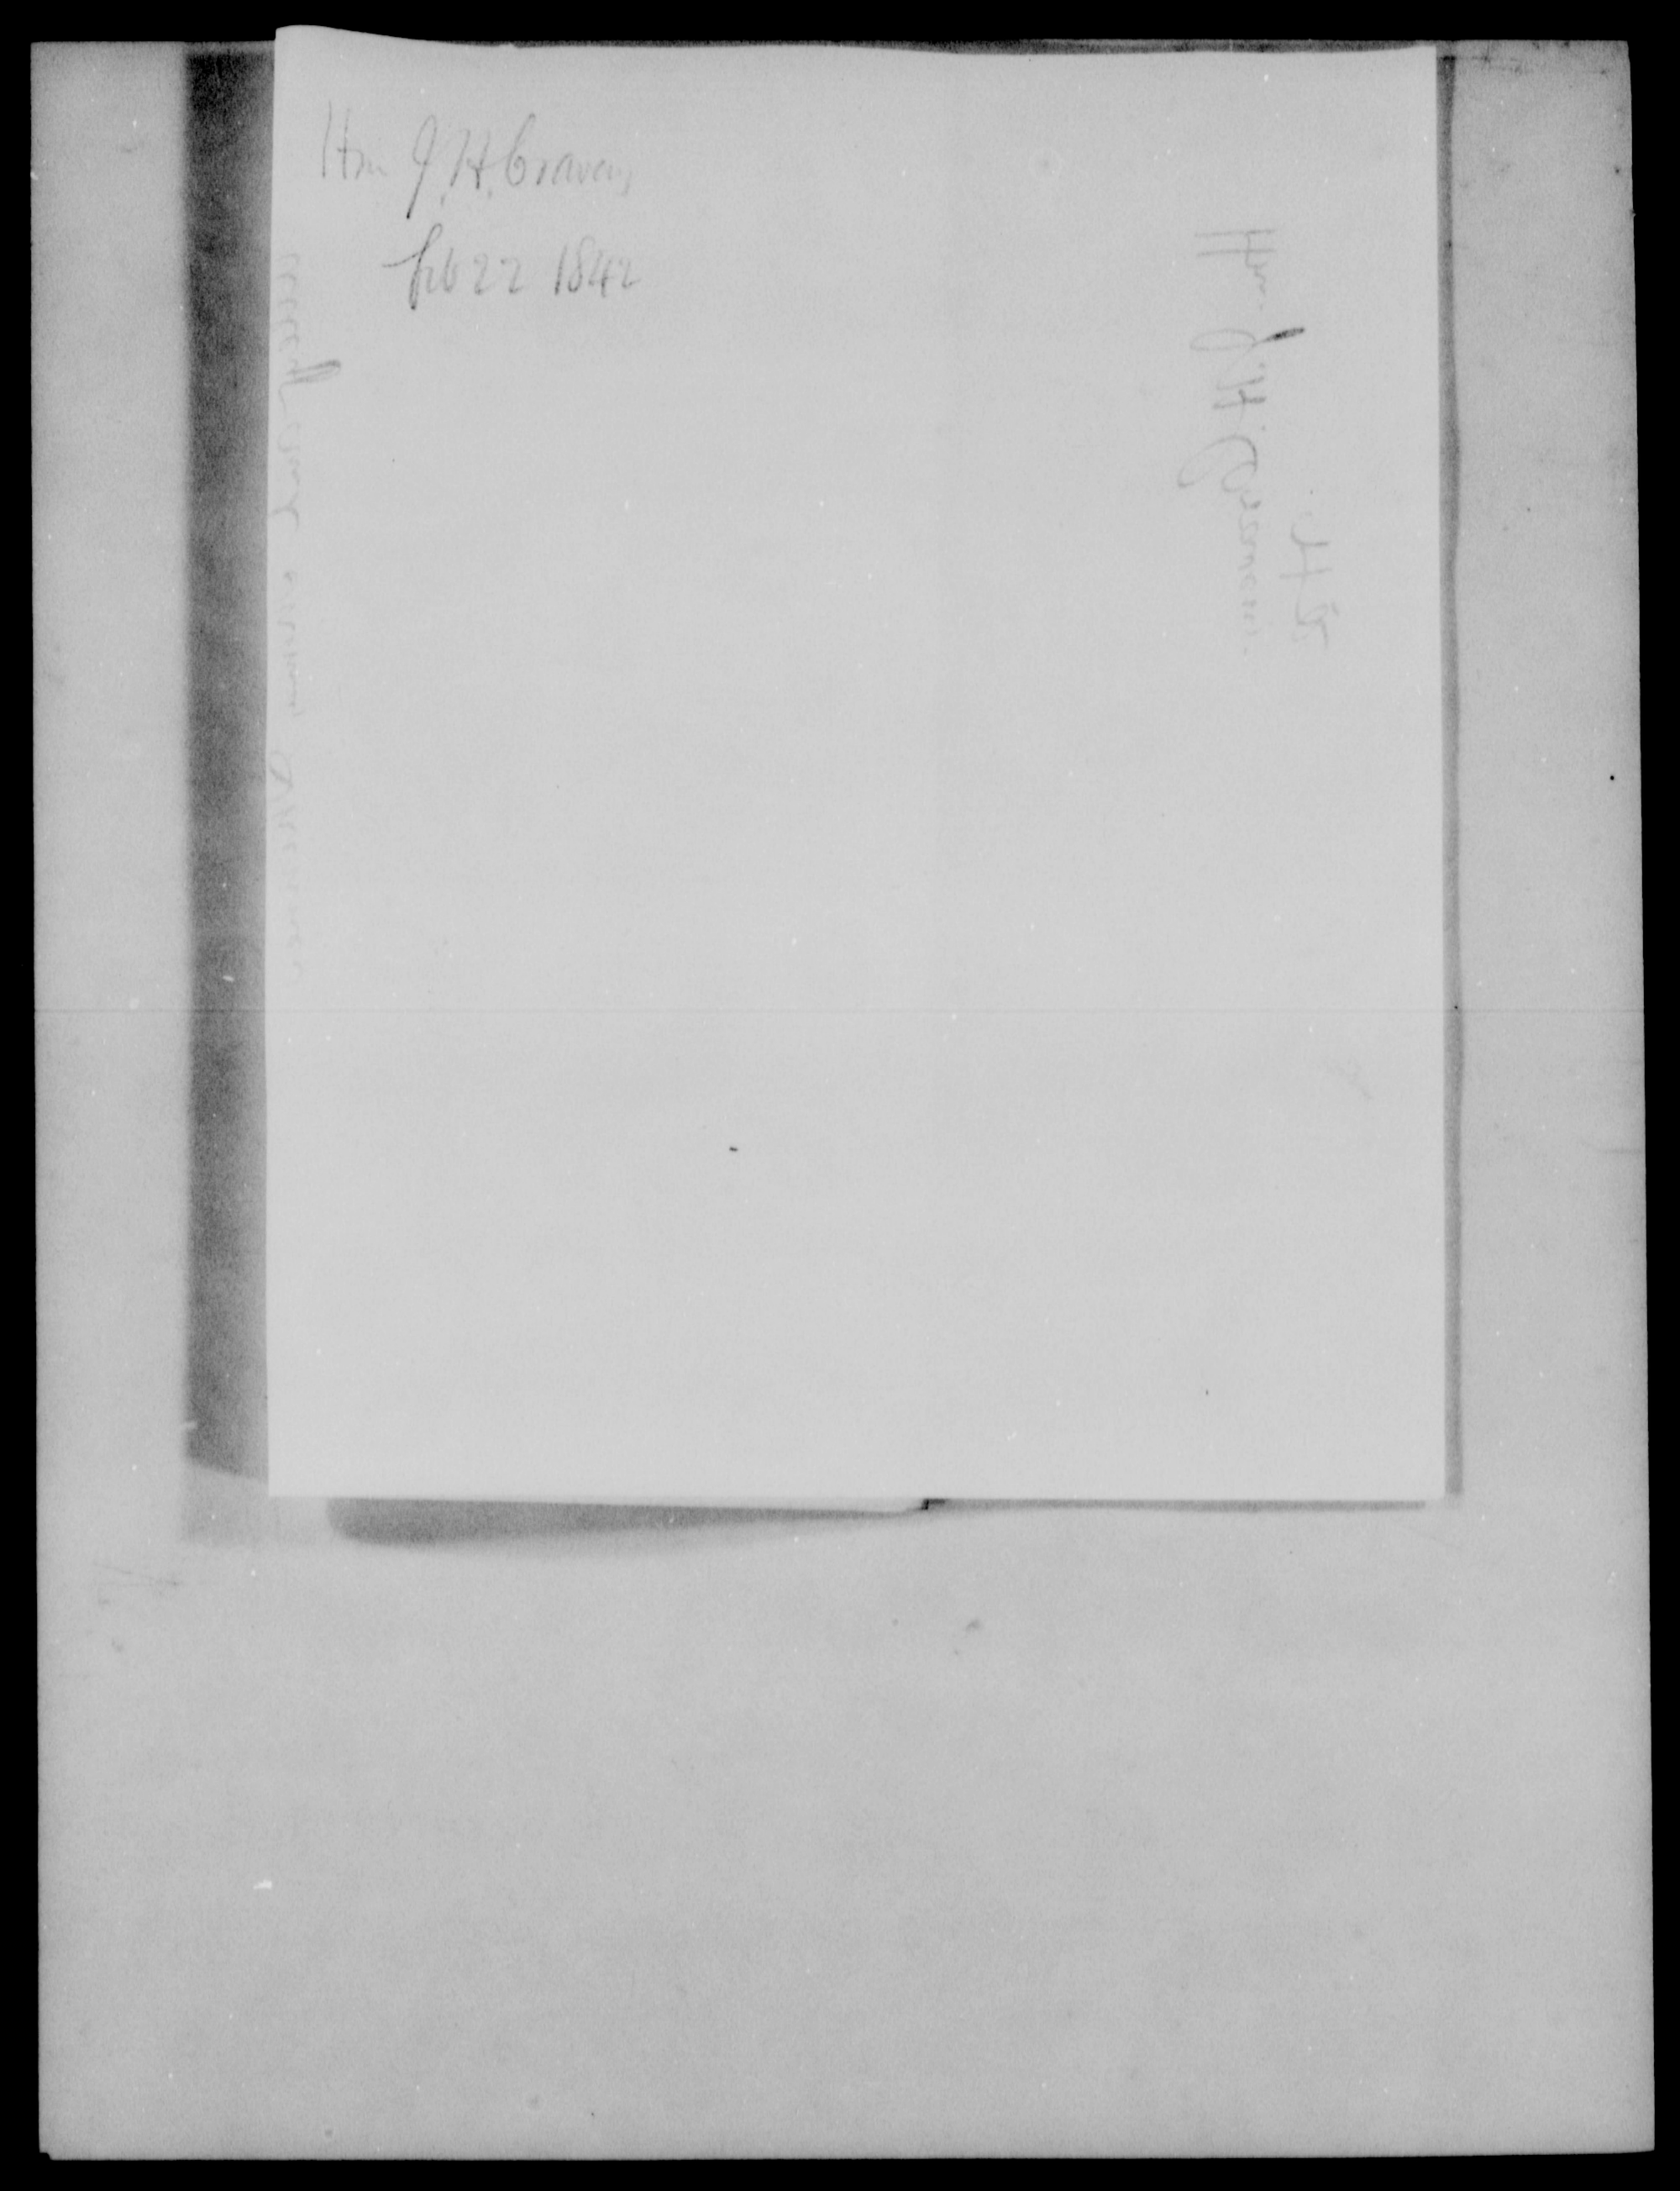Hon. J. H. Cravens
Feb 22 1842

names: J H Cravens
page: 17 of 33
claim: rejected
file: R. 9635, for Thomas Skinner, Delaware